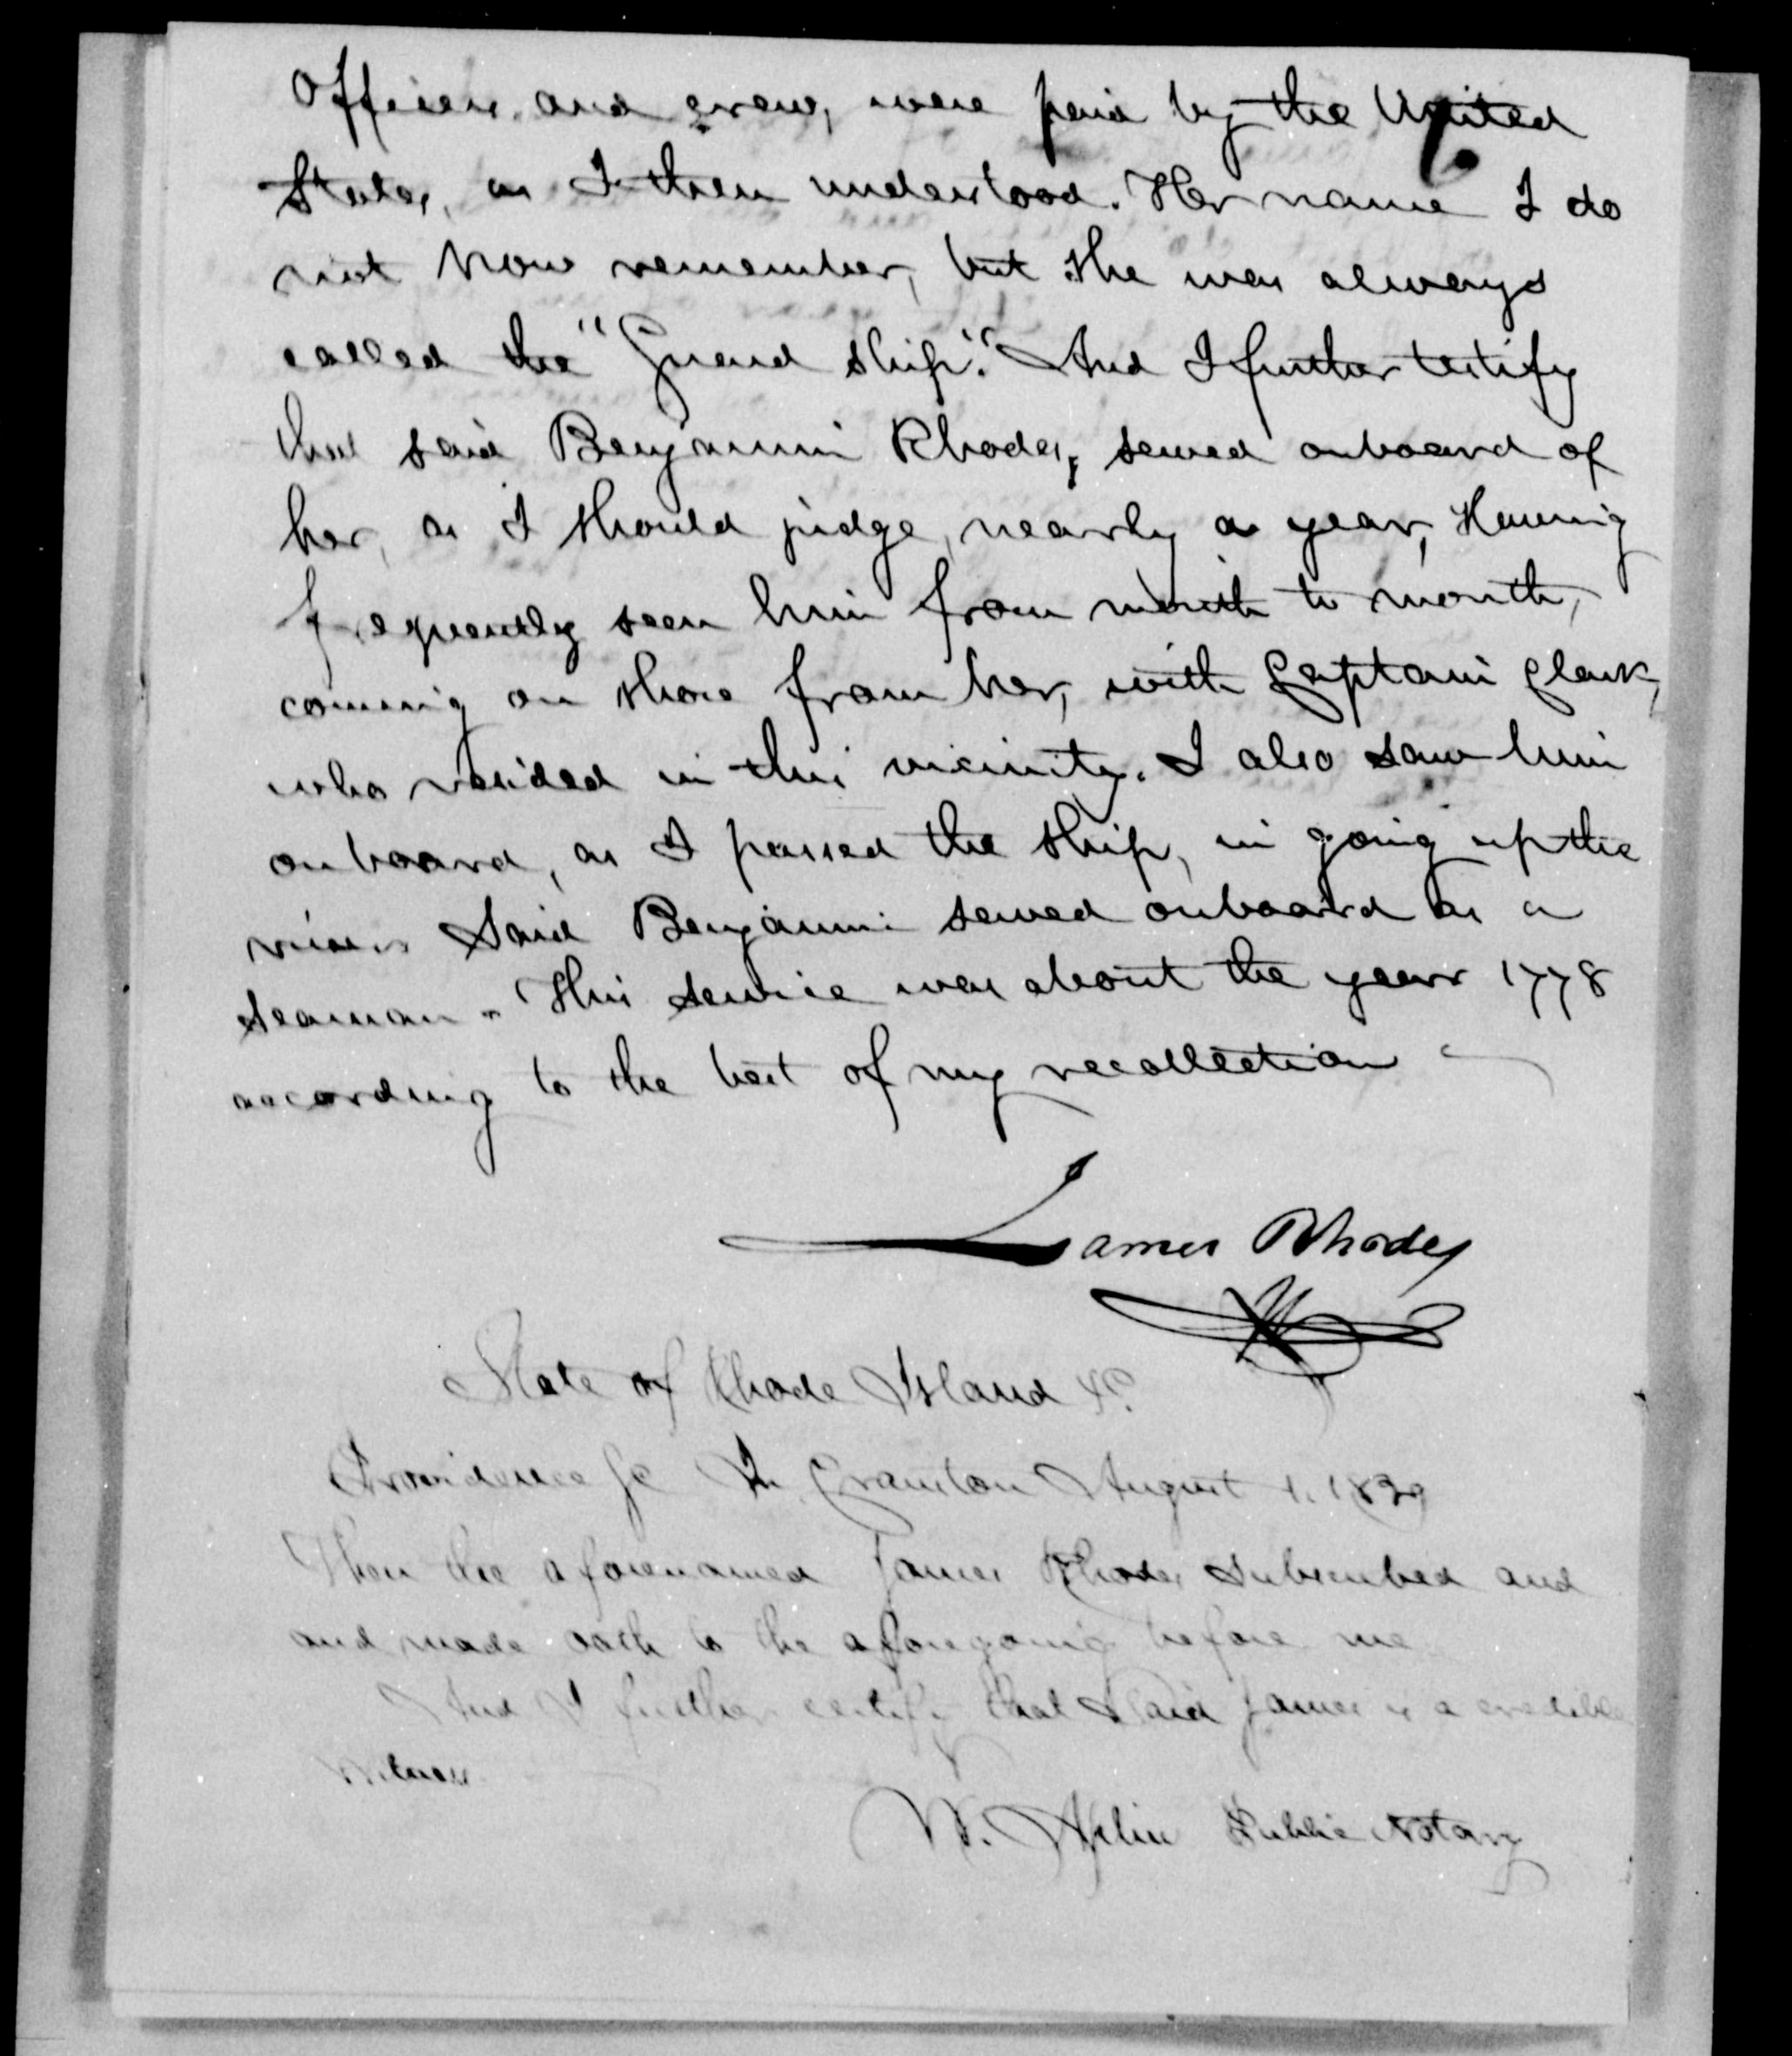officers and crew were paid by the United States as I then understood. Her name I do not now remember, but she was always called the "Guard Ship". And i further testify that said Benjamin served onboard of her as I should judge nearly a year, having frequently seen him from month to month coming on shore from her, with Captain Clark, who resided in the vicinity. I also saw him onboard, as I passed the ship, in going up the river. Said Benjamin served onboard as a Seaman. This service was about the year 1778 according to the best of my recollection.
James Rhodes
State of Rhode Island jc
Providence jc In Cranston August 1, 1839
There the aforenamed James Rhodes subscribed and and made oath to the aforegoing before me. And I further certify that the said James is a credible witness.
W. Aplin Public Notary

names: W Aplin; James Rhodes; Benjamin Rhodes; James [BLANK]; Benjamin Seweel; [BLANK] Clark; James Rhodes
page: 31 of 50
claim: widow's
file: W. 22058, for Benjamin Rhodes, Rhode Island